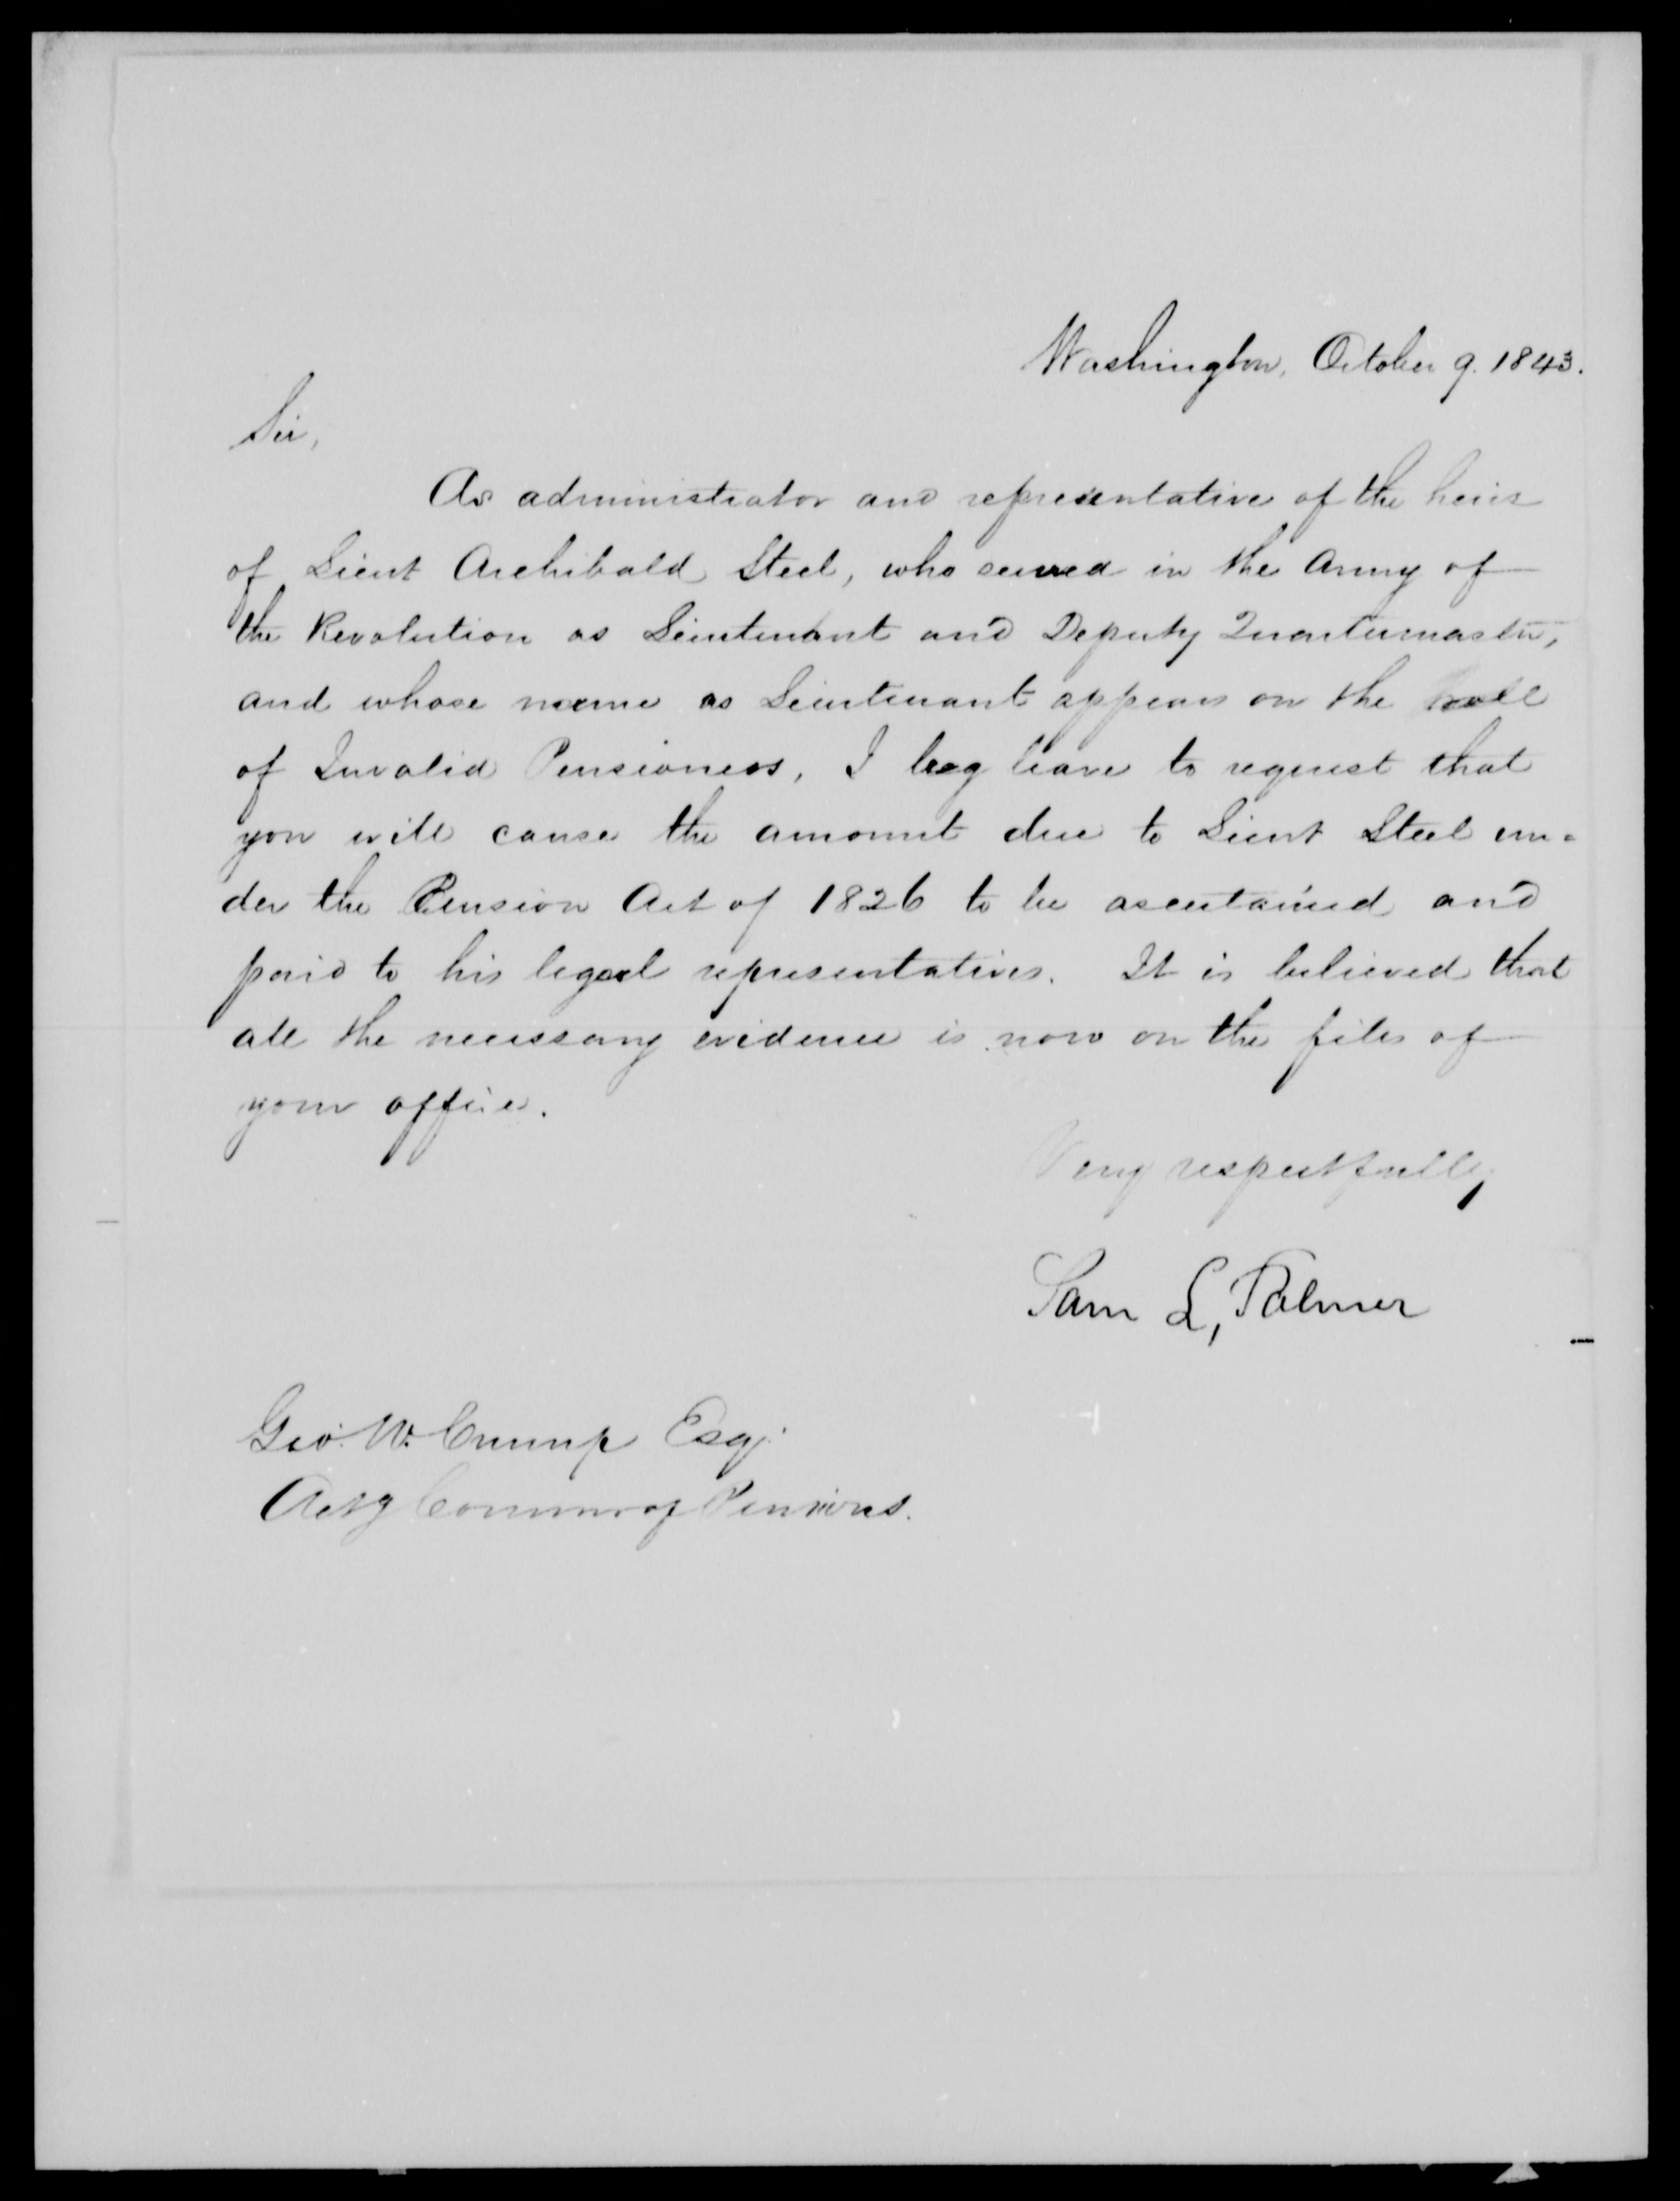Washington, October 9, 1843

Sir,

As administrator and representative of the heirs of Lieutenant Archibald Steel, who served in the Army of the Revolution as Lieutenant and Deputy Quartermaster and whose name as Lieutenant appears on the roll of Invalid Pensioners, I take leave to request that you will cause the amount due to Lieutenant Steel under the Pension Act of 1826 to be ascertained and paid to his legal representatives.  It is believe that all the necessary evidence is now in the files of your office.

Very respectfully,
Sam L Palmer

George W Crump, Esquire
Assoc Commissioner of Pensions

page: 18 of 28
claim: survivor's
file: S. 7601, for Archibald Steel, Pennsylvania